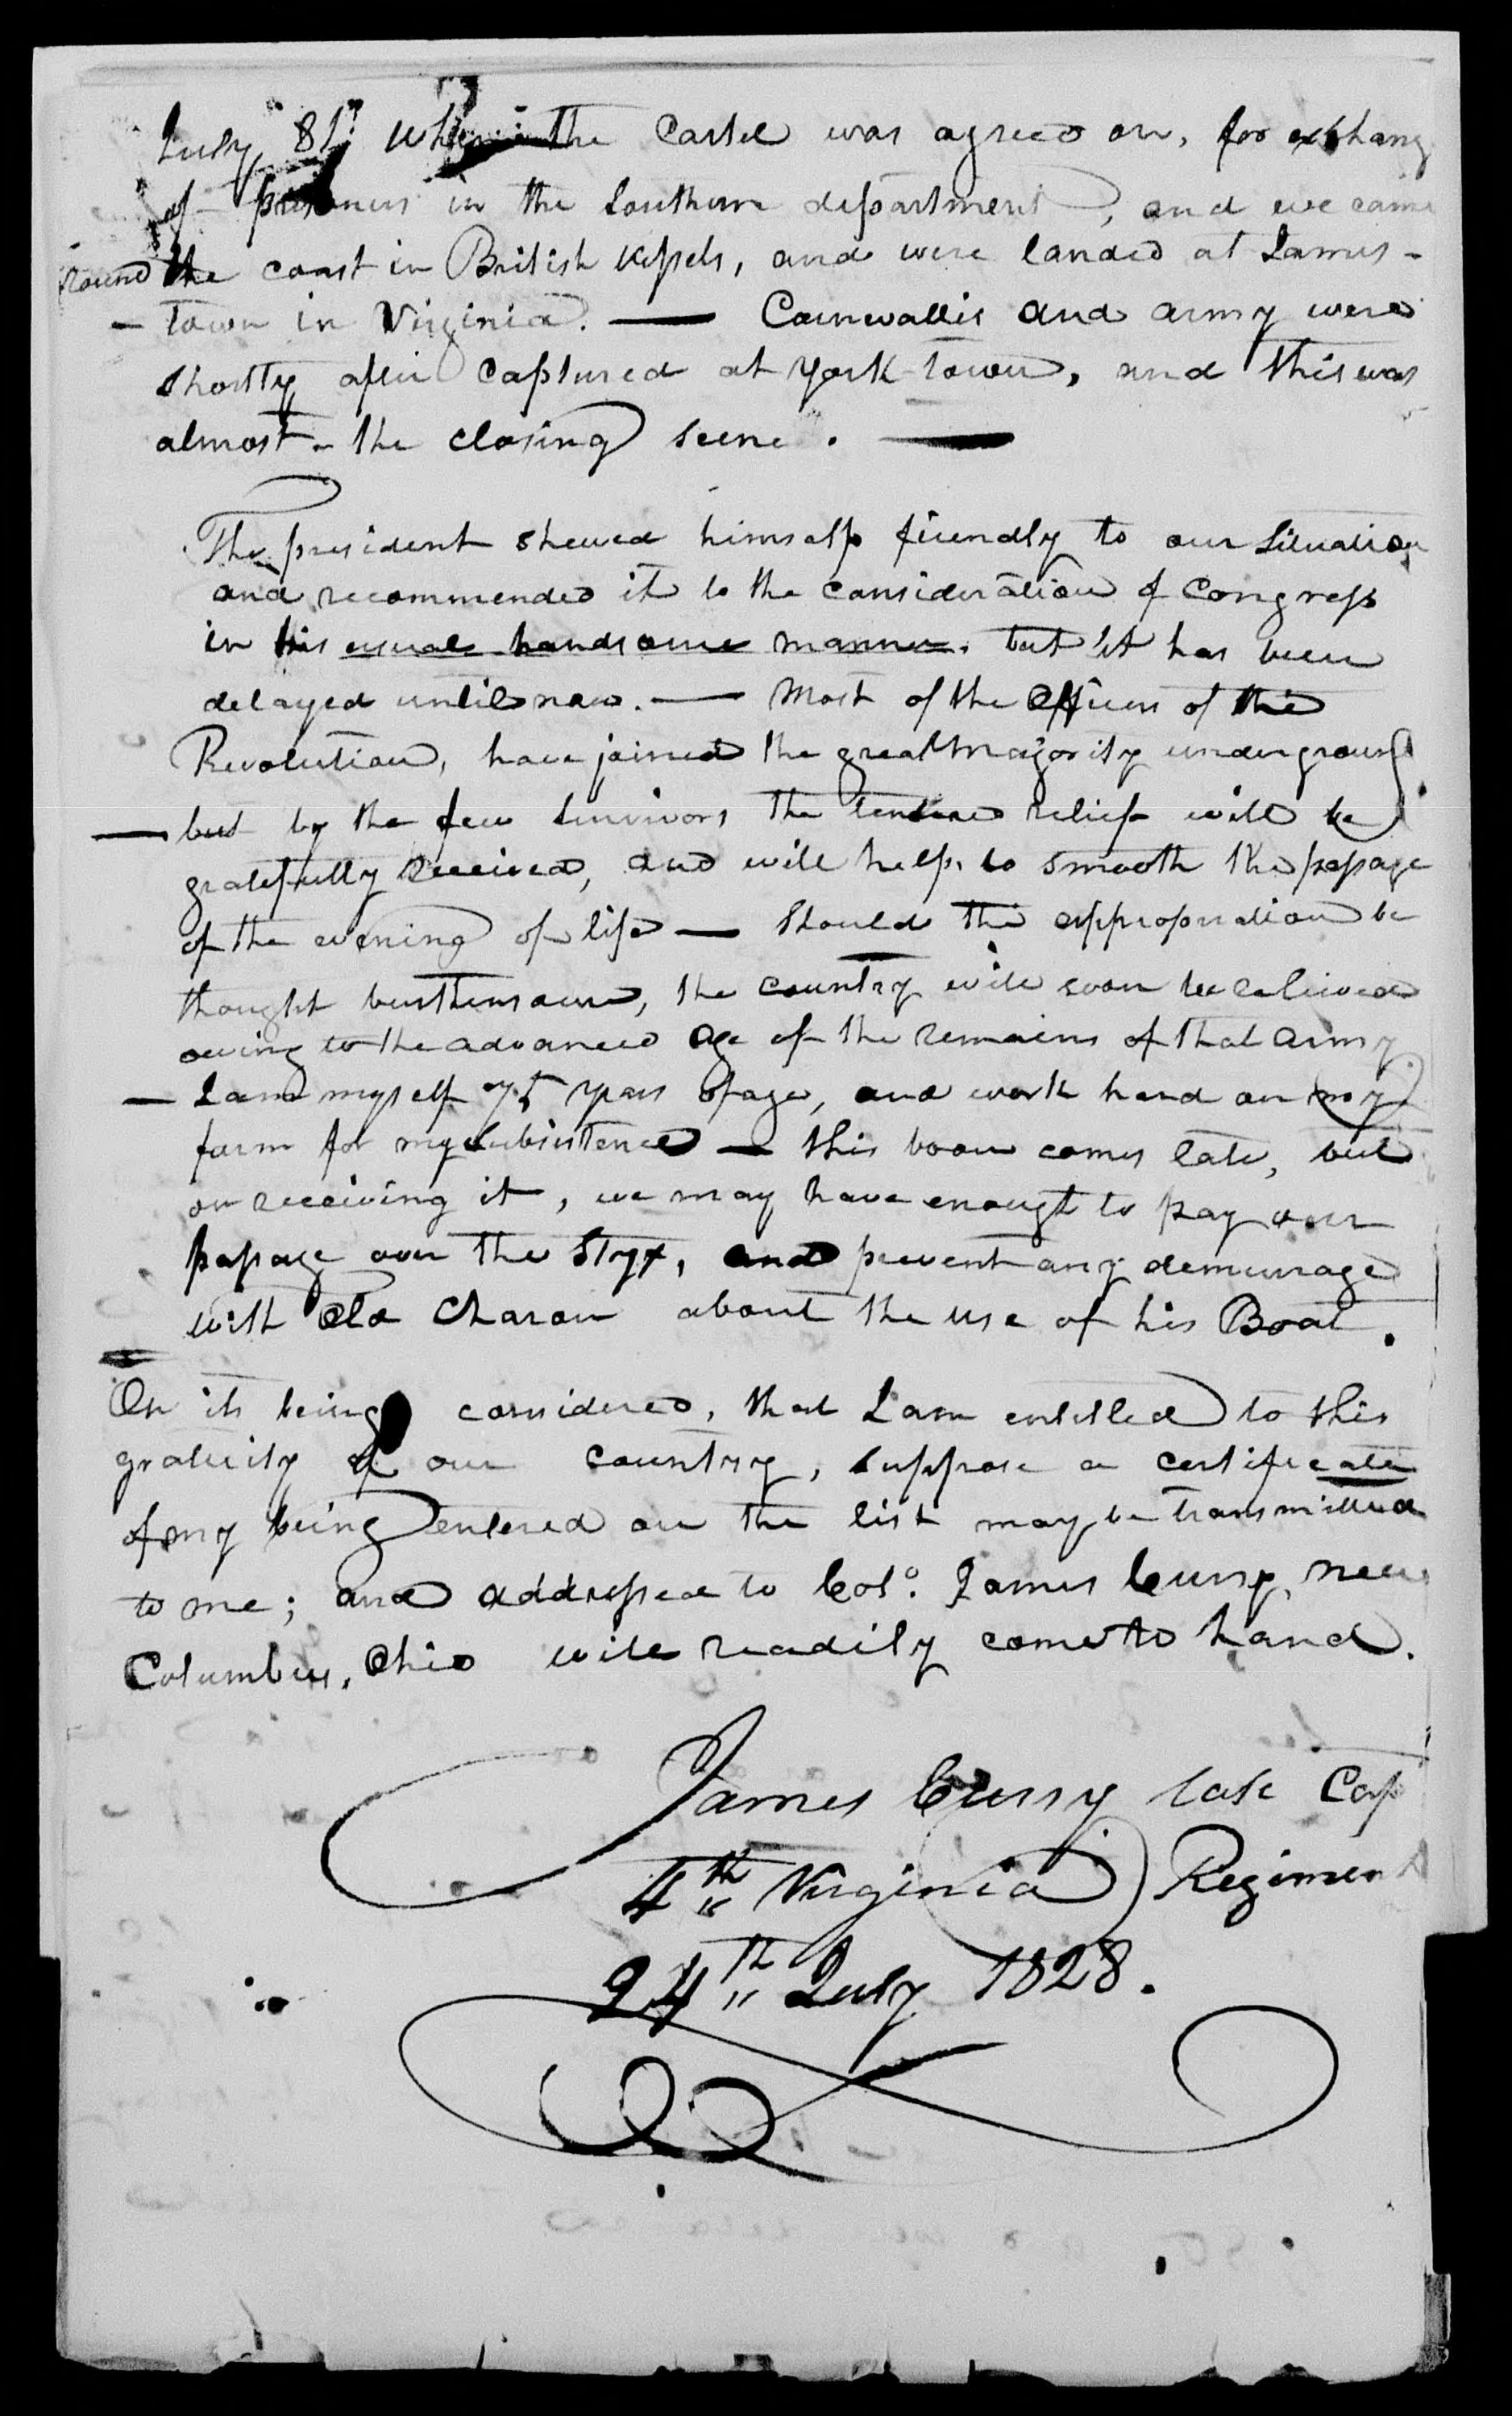July 81 when the cartel was agreed on, for
exchange 
of prisoners in the Southern department, and we came 
round the coast in British vessels, and were landed at Jamestown 
in Virginia. – Cornwallis and army were 
shortly after captured at Yorktown, and this was almost the closing scene. -
The president shewed himself friendly to our situation 
and recommended it to the consideration of
Congress 
in his usual handsome manner but it has been delayed until now. – Most of the officers of the
Revolution have joined the great majority underground 
- but by the few survivors, the tendered relief will be 
gratefully received, and will help to smooth the passage 
of the evening of life – Should this appropriation be 
thought burthensome, the country will soon be relieved 
owing to the advanced age of the remains of that army. 
I am myself 75 years of age, and work hard on my 
farm for my subsistence –this boon comes late, but 
on receiving it, we may have enough to pay our passage over the Styx, and prevent any demurrage 
with old Charon about the use of his Boat.
On its being considered, that I am entitled to this 
gratuity of our country, suppose a certificate 
of my being entered on the list may be transmitted 
to me; and addressed to Colo. James Curry, near 
Columbus, Ohio will readily come to hand.

James Curry late Cap
4th Virginia Regiment
24th July 1828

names: James Curry, Cornwallis, James Curry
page: 13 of 32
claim: survivor's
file: S. 44230, James Curry, Va.